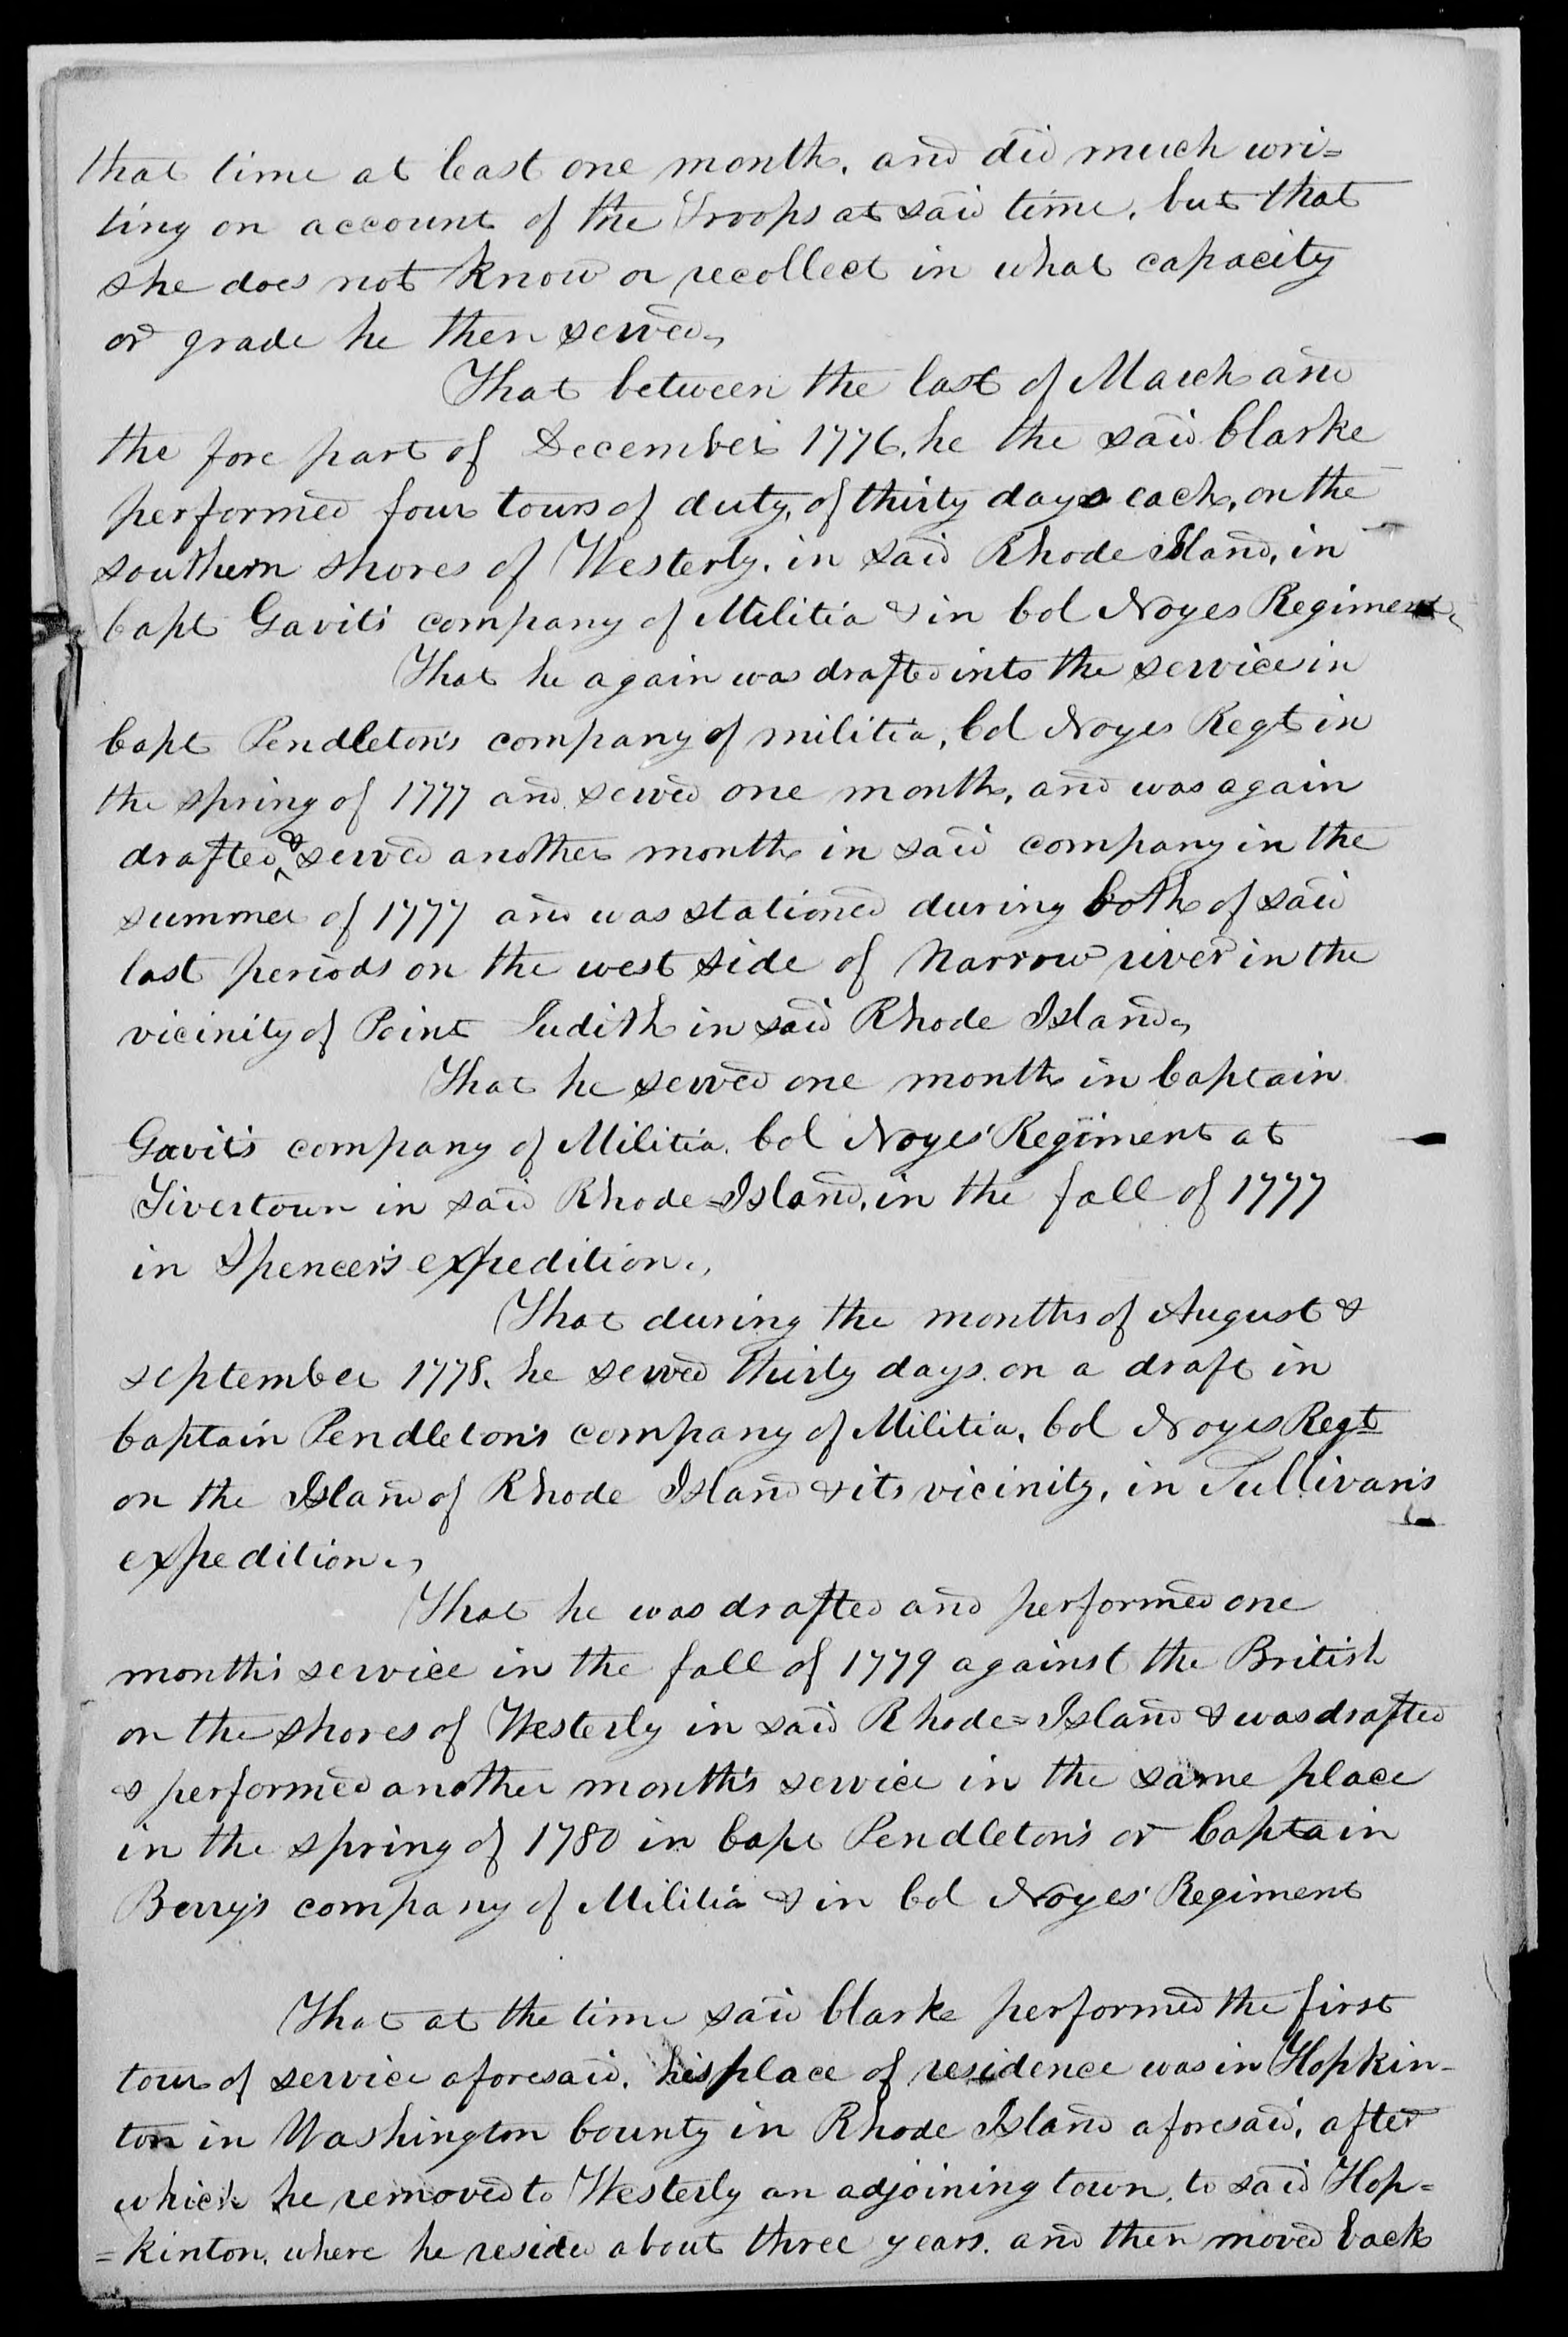that time at least one month, and did much writing on account of the Troops at said time, but that she does not know or recollect what capacity or grade he then served.
That between the last of March and the fore part of December 1776, he the said Clarke performed four tours of duty of thirty days each, on the southern shores of Westerly, in said Rhode Island, in Capt Gavit's company of Militia & in Col Noyes Regiment.
That he again was drafted into the service in Capt Pendleton's company of militia, Col Noyes Reg. in the spring of 1777 and served one month, and was again drafted & served another month in said company in the summer of 1777 and was stationed during both of said last periods on the west side of narrow river in the vicinity of Point Judith in said Rhode Island.
That he served one month in Captain Gavit's company of Militia, Col Noyes' Regiment at Tivertown in said Rhode Island, in the fall of 1777 in Spencer's expedition.
That during the months of August & September 1778, he served thirty days on a draft in Captain Pendleton's company of Militia, Col Noyes Regt on the Island of Rhode Island & its vicinity, in Sullivan's expedition.
That he was drafted and performed one month's service in the fall of 1779 against the British on the shores of Westerly in said Rhode Island & was drafted & performed another month's service in the same place in the spring of 1780 in Capt Pendleton's or Captain Berry's company of Militia & in Col Noyes' Regiment.
That at the time said Clarke performed the first tour of service aforesaid, his place of residence was in Hopkinton in Washington County in Rhode Island aforesaid, after which he removed to Westerly an adjoining town, to said Hopkinton where he resided about three years, and then moved back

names: Clarke, Clarke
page: 4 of 48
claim: widow's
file: W. 17,628, Arnold Clarke, R.I.